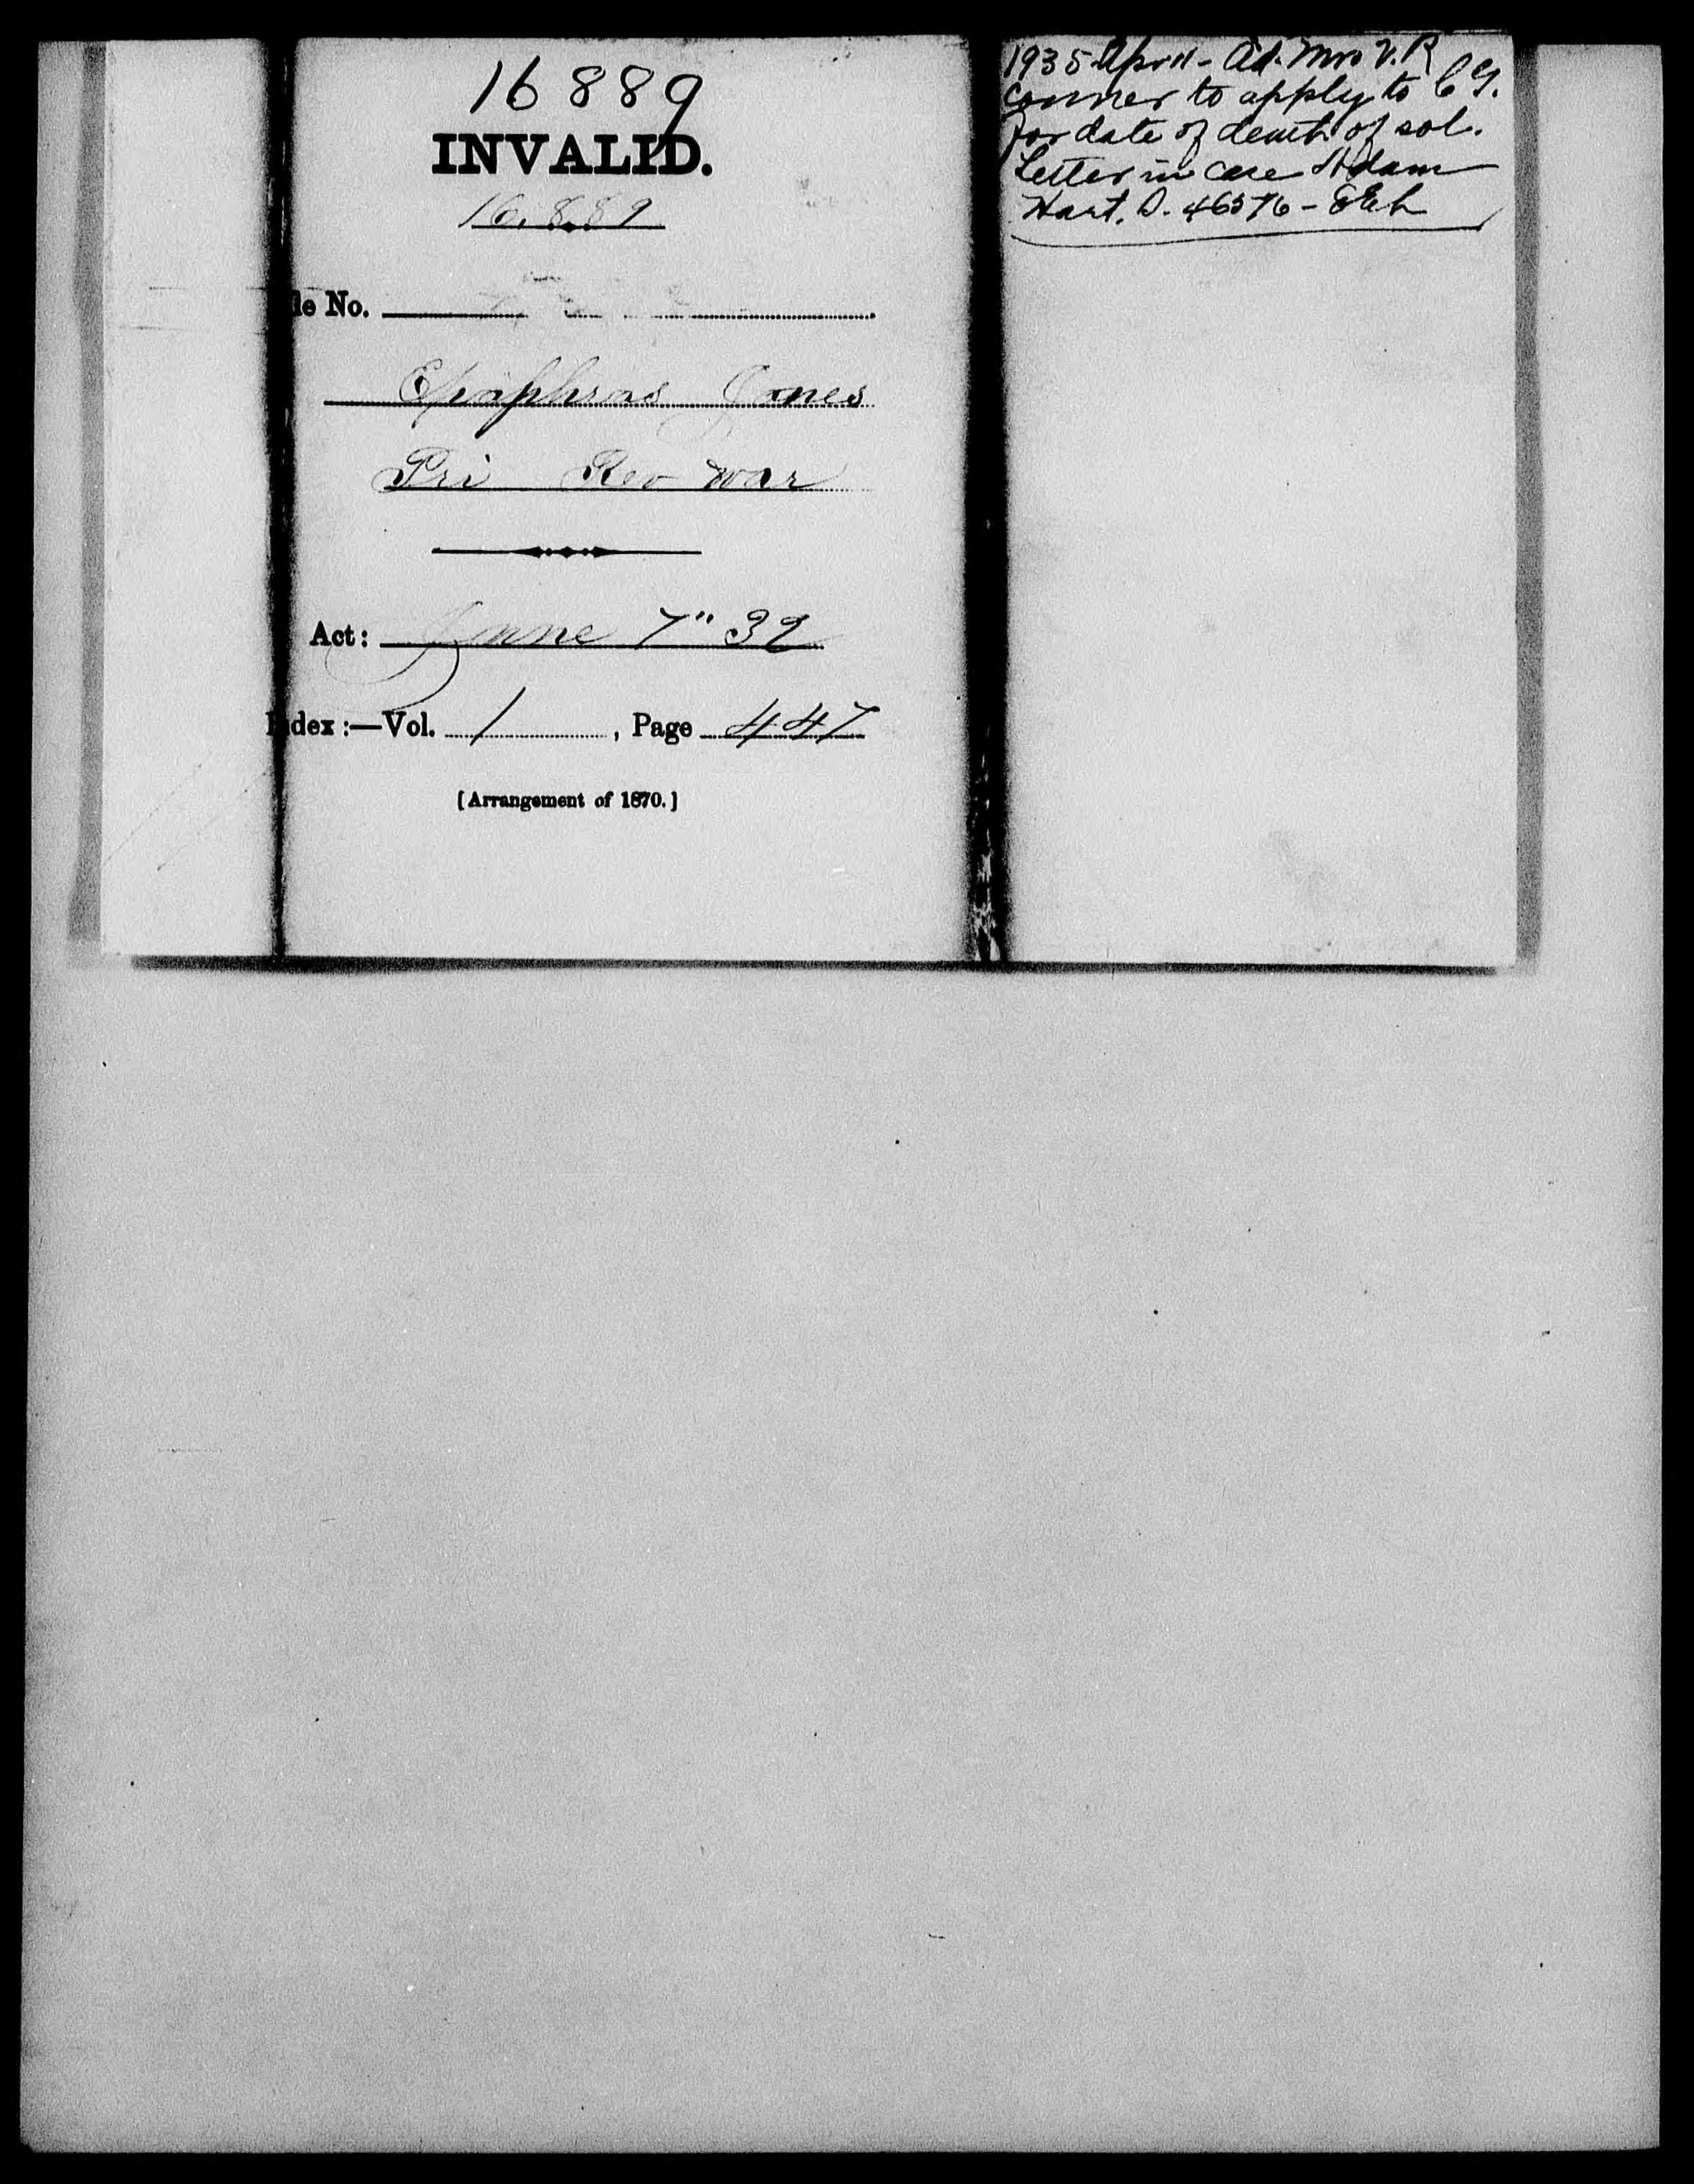16889
INVALID.
16.889
----------

File No._____________________________.
Epaphras Jones
Pri Rev War

                 --------------------

Act:  June 7" 32.

Index:--Vol.   1,  Page  447

(Arrangement of 1870.)

(Second Page)

1935 Apr 11 - Ad. Mrs V. R Conner to apply to C G. for date of death of sol.
Letter in case of Adam Hart.  S.46576 -  [      ]
---------------------------------------------------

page: 11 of 17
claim: survivor's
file: S. 16889, for Epaphras Jones, Connecticut